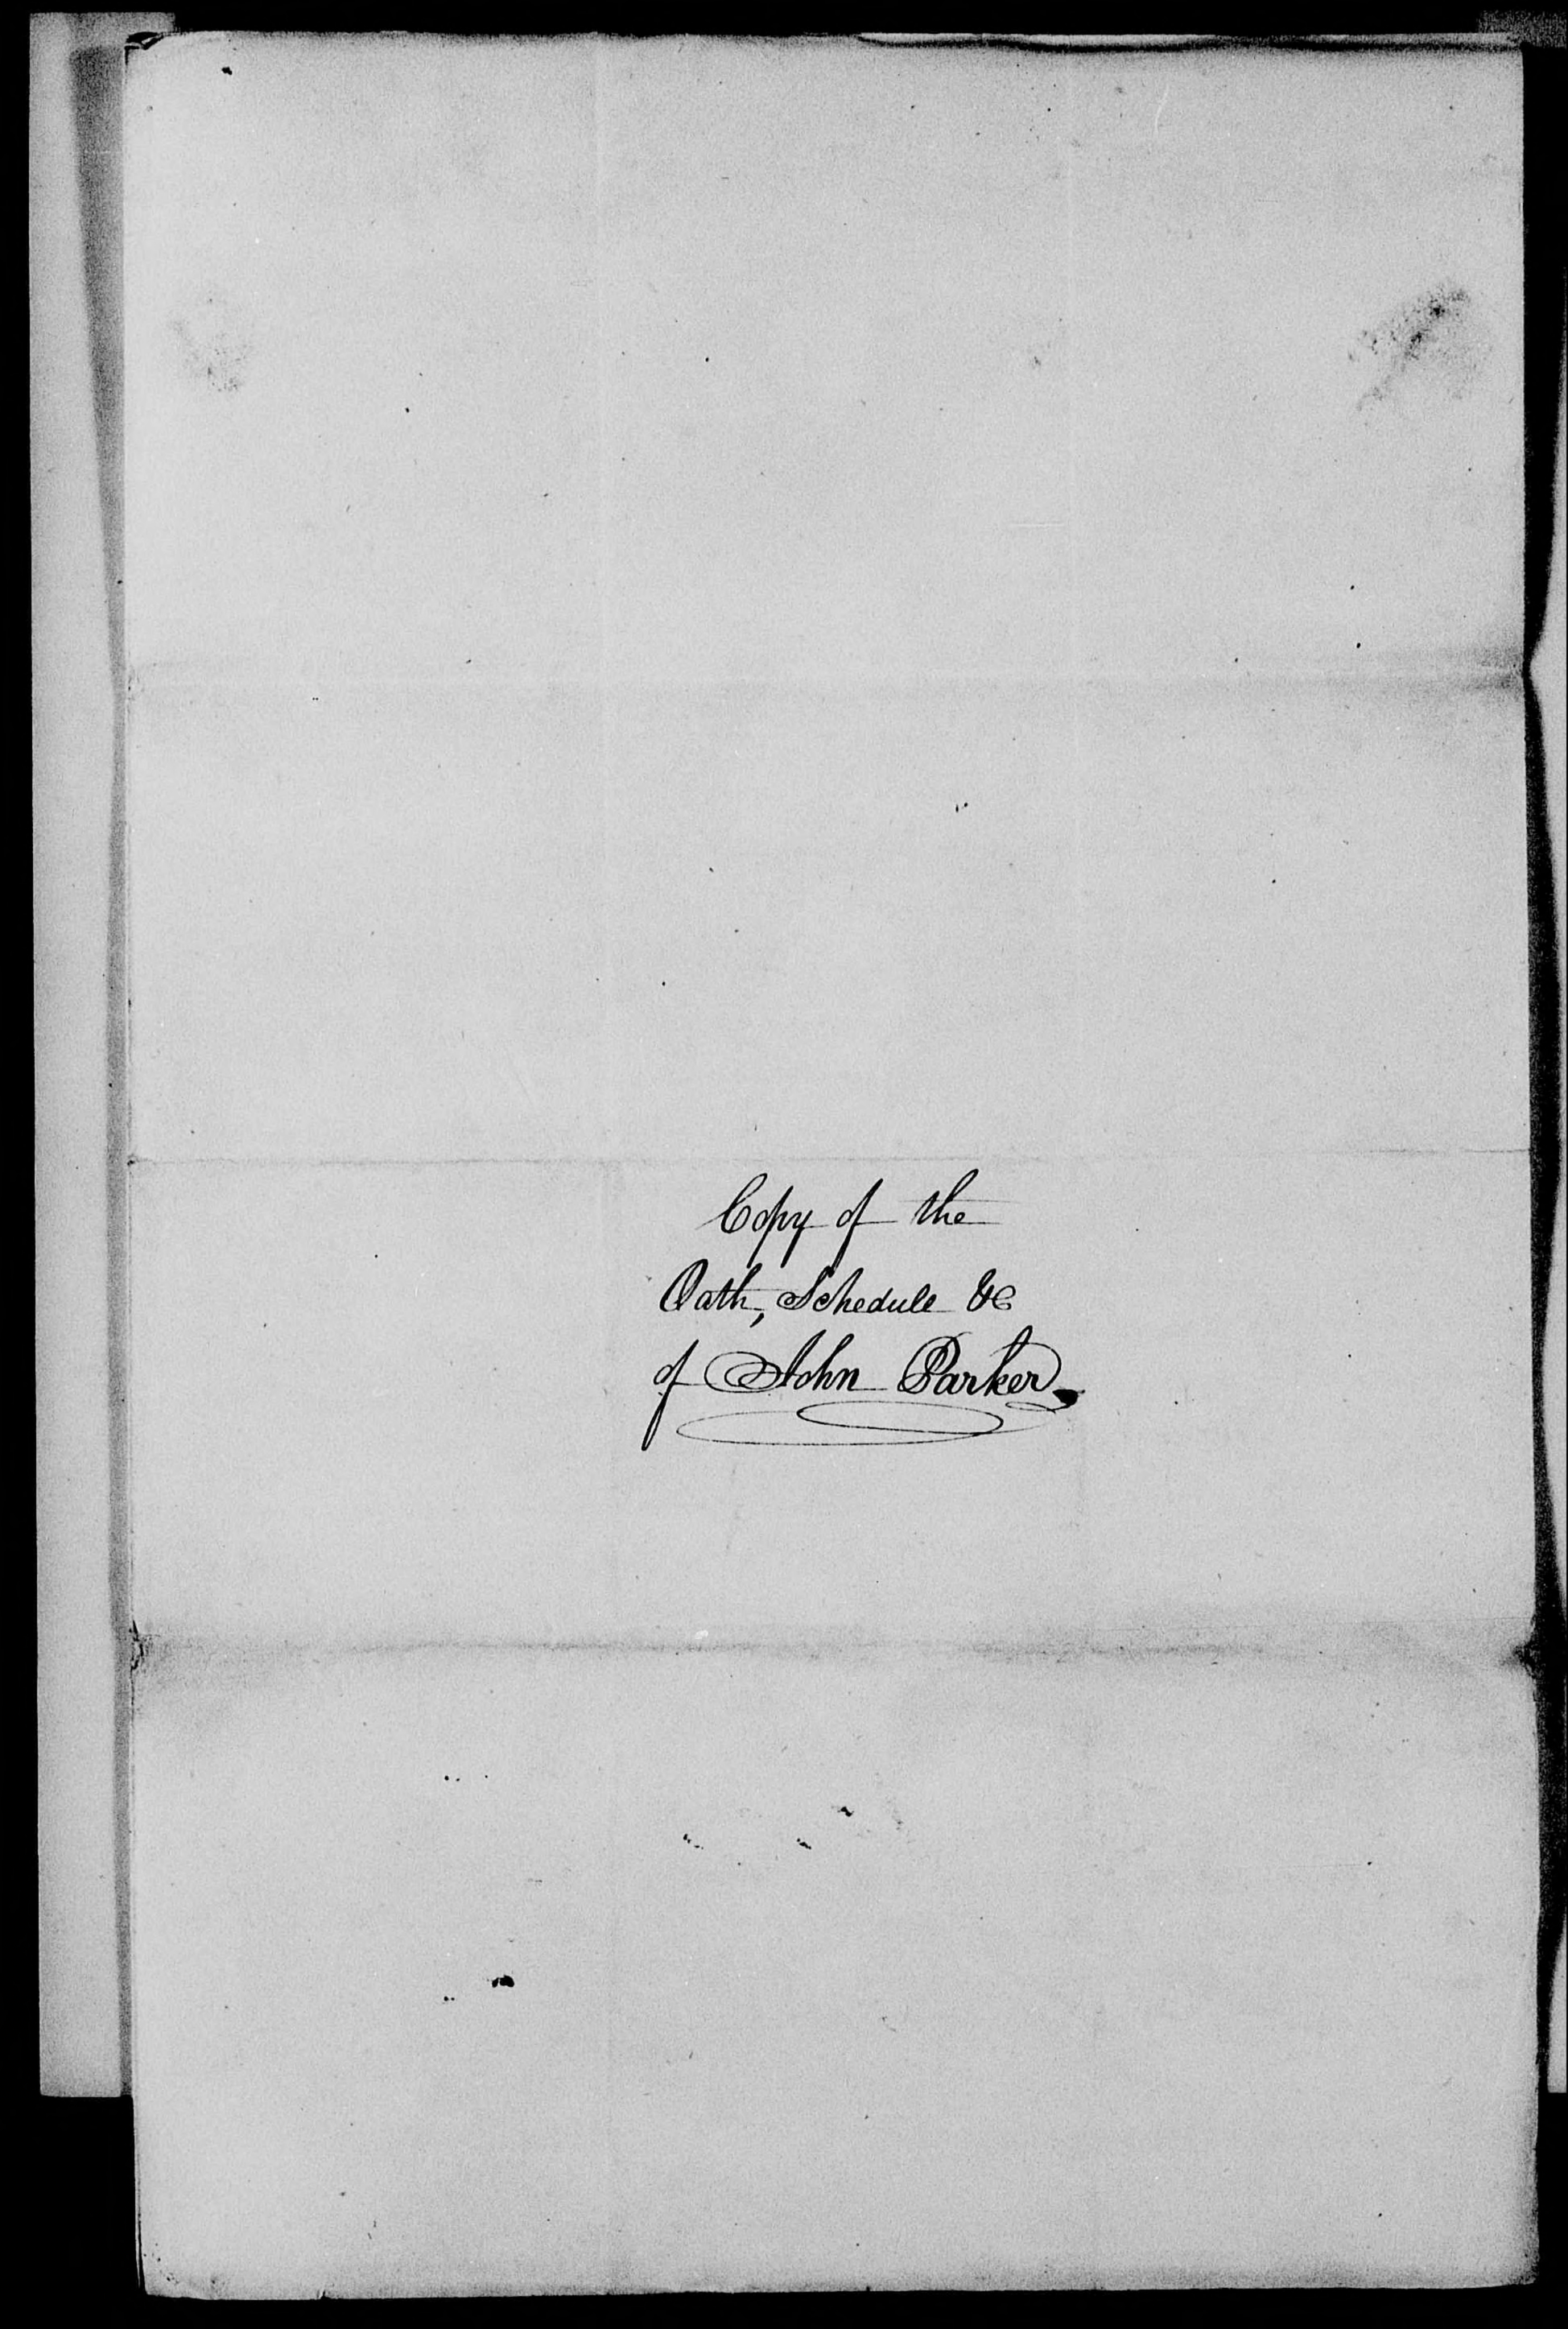Copy of the Oath, Schedule &c. of John Parker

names: John Parker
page: 4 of 40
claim: widow's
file: W. 3,588, for John Parker, Pennsylvania